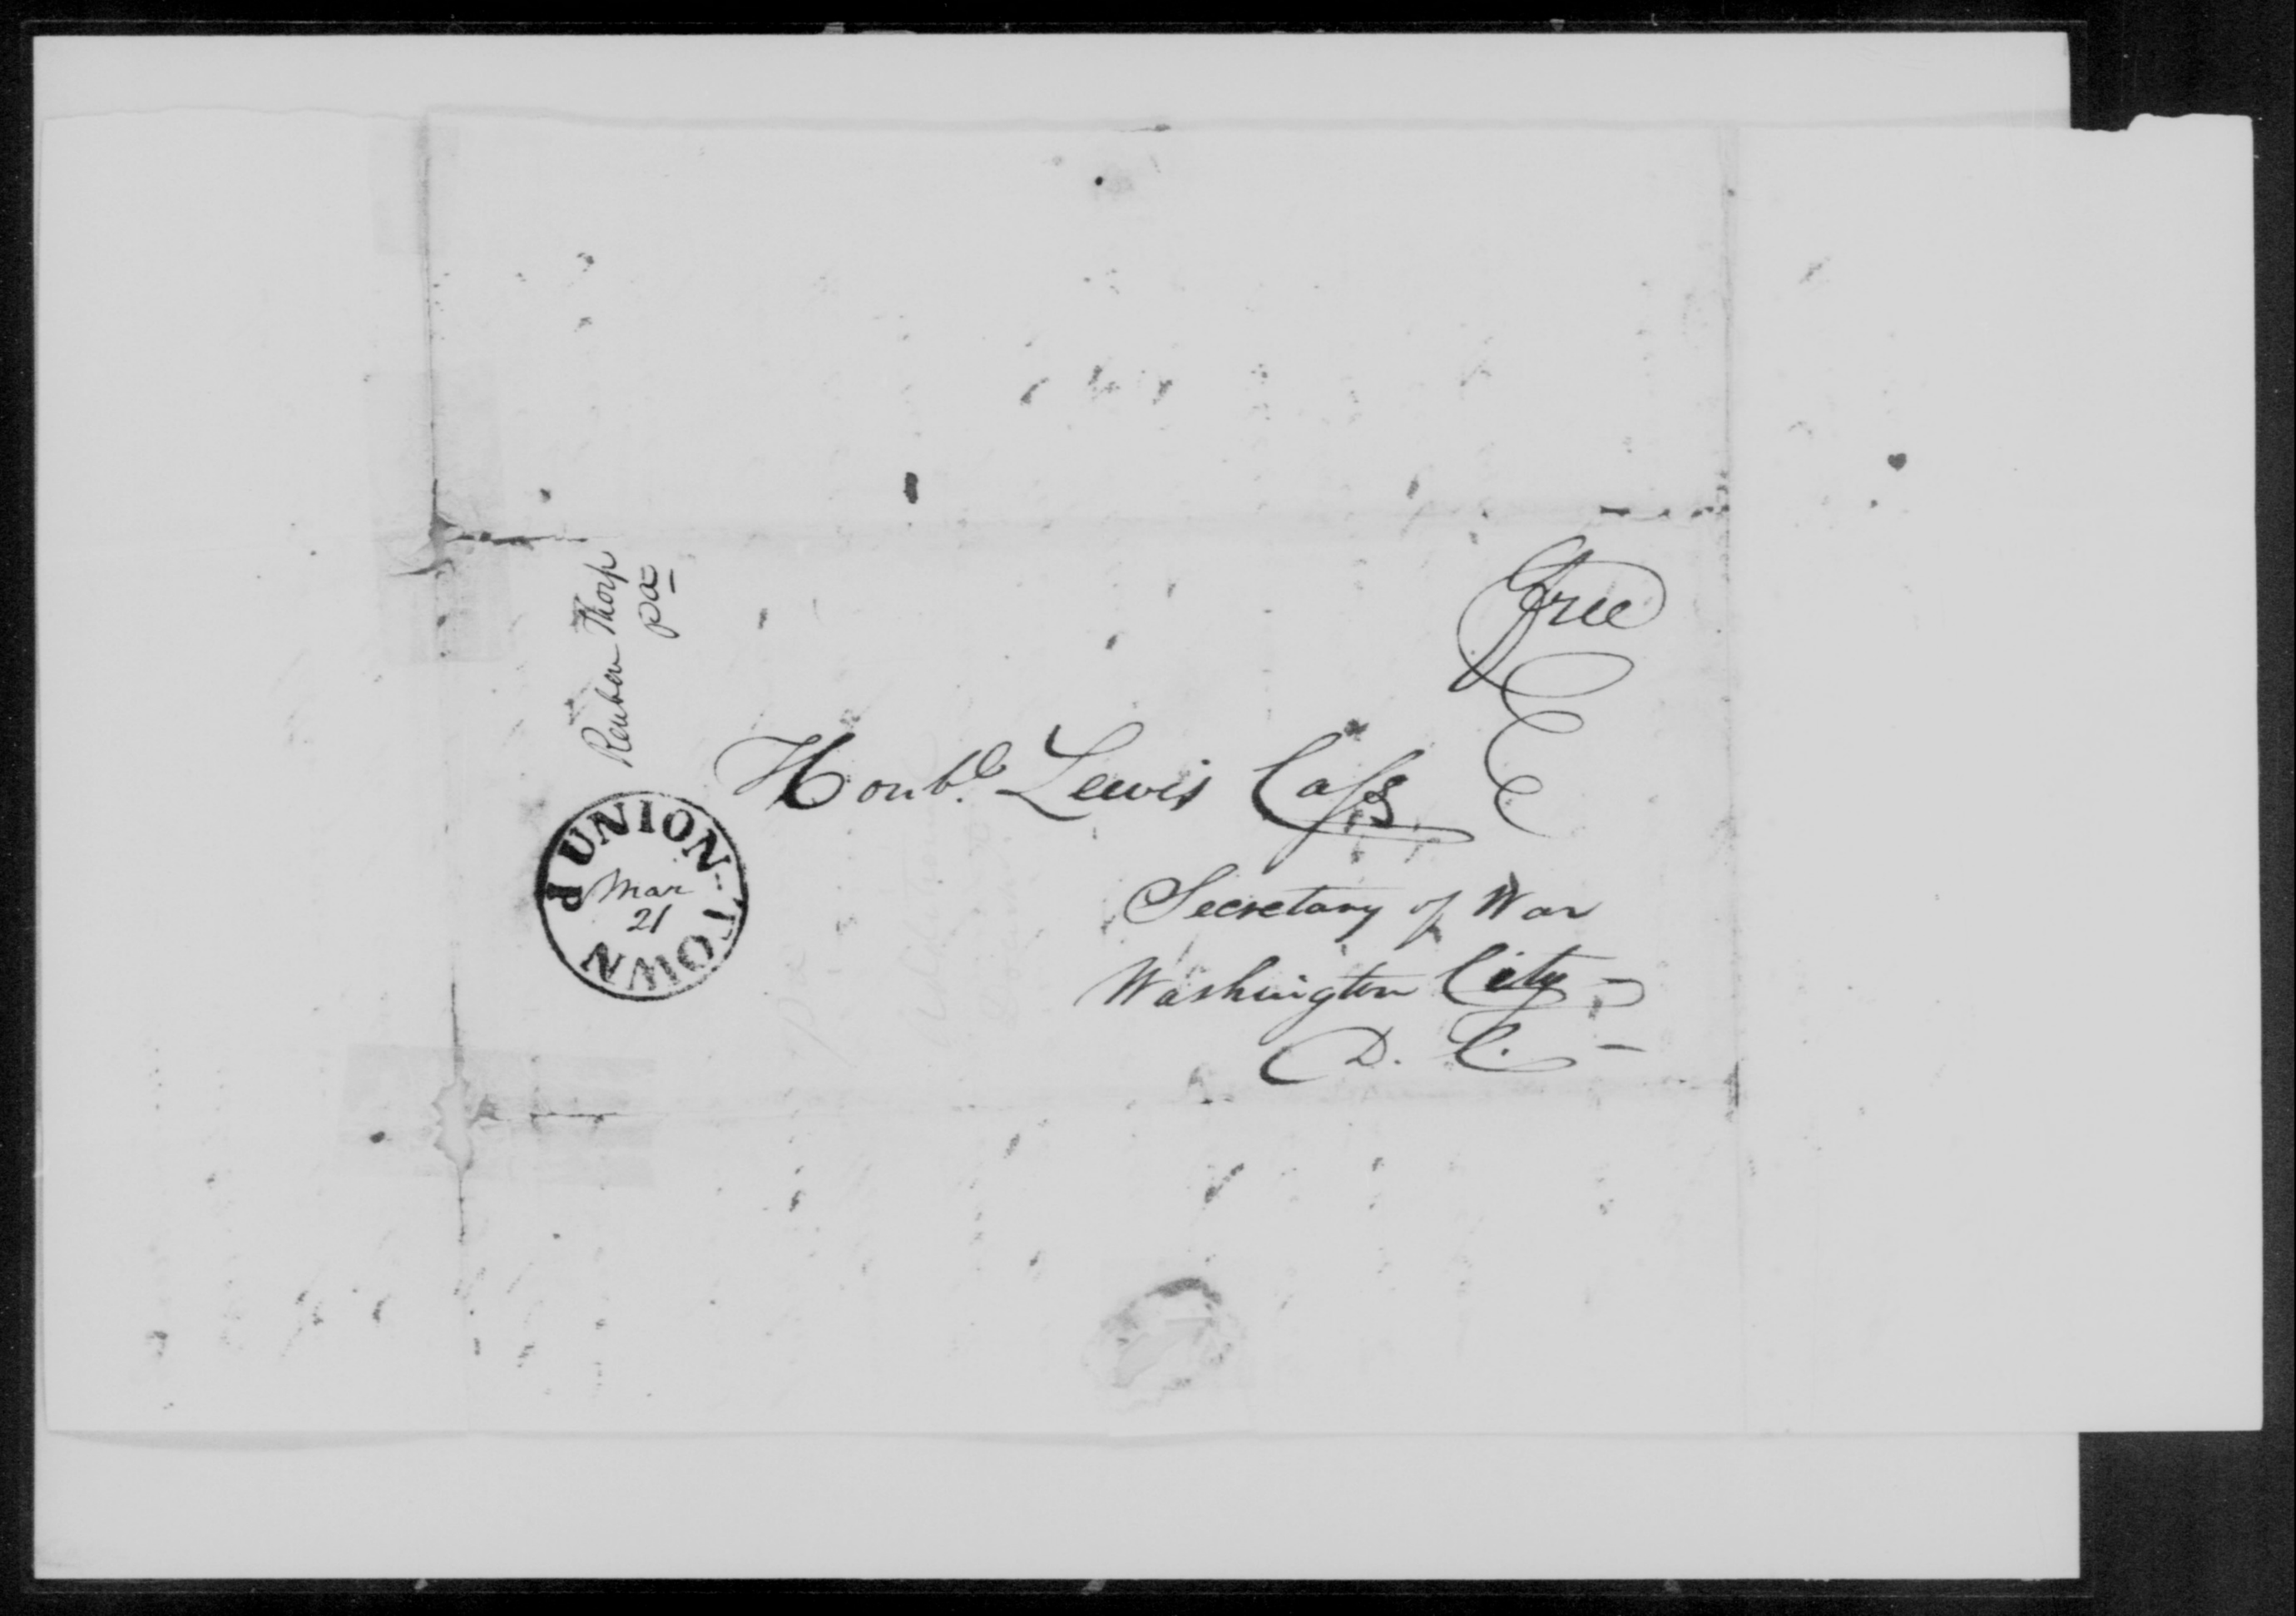[on left:]
Reuben Thorp
pa
[stamp:] UNION TOWN Mar 21

[address area of envelope:]
Free

Honbl. Lewis Cass
Secretary of War
Washington City
D.C.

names: Reuben Thorp; Lewis Cass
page: 17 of 28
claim: survivor's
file: S. 6229, for Reuben Thorp, New Jersey